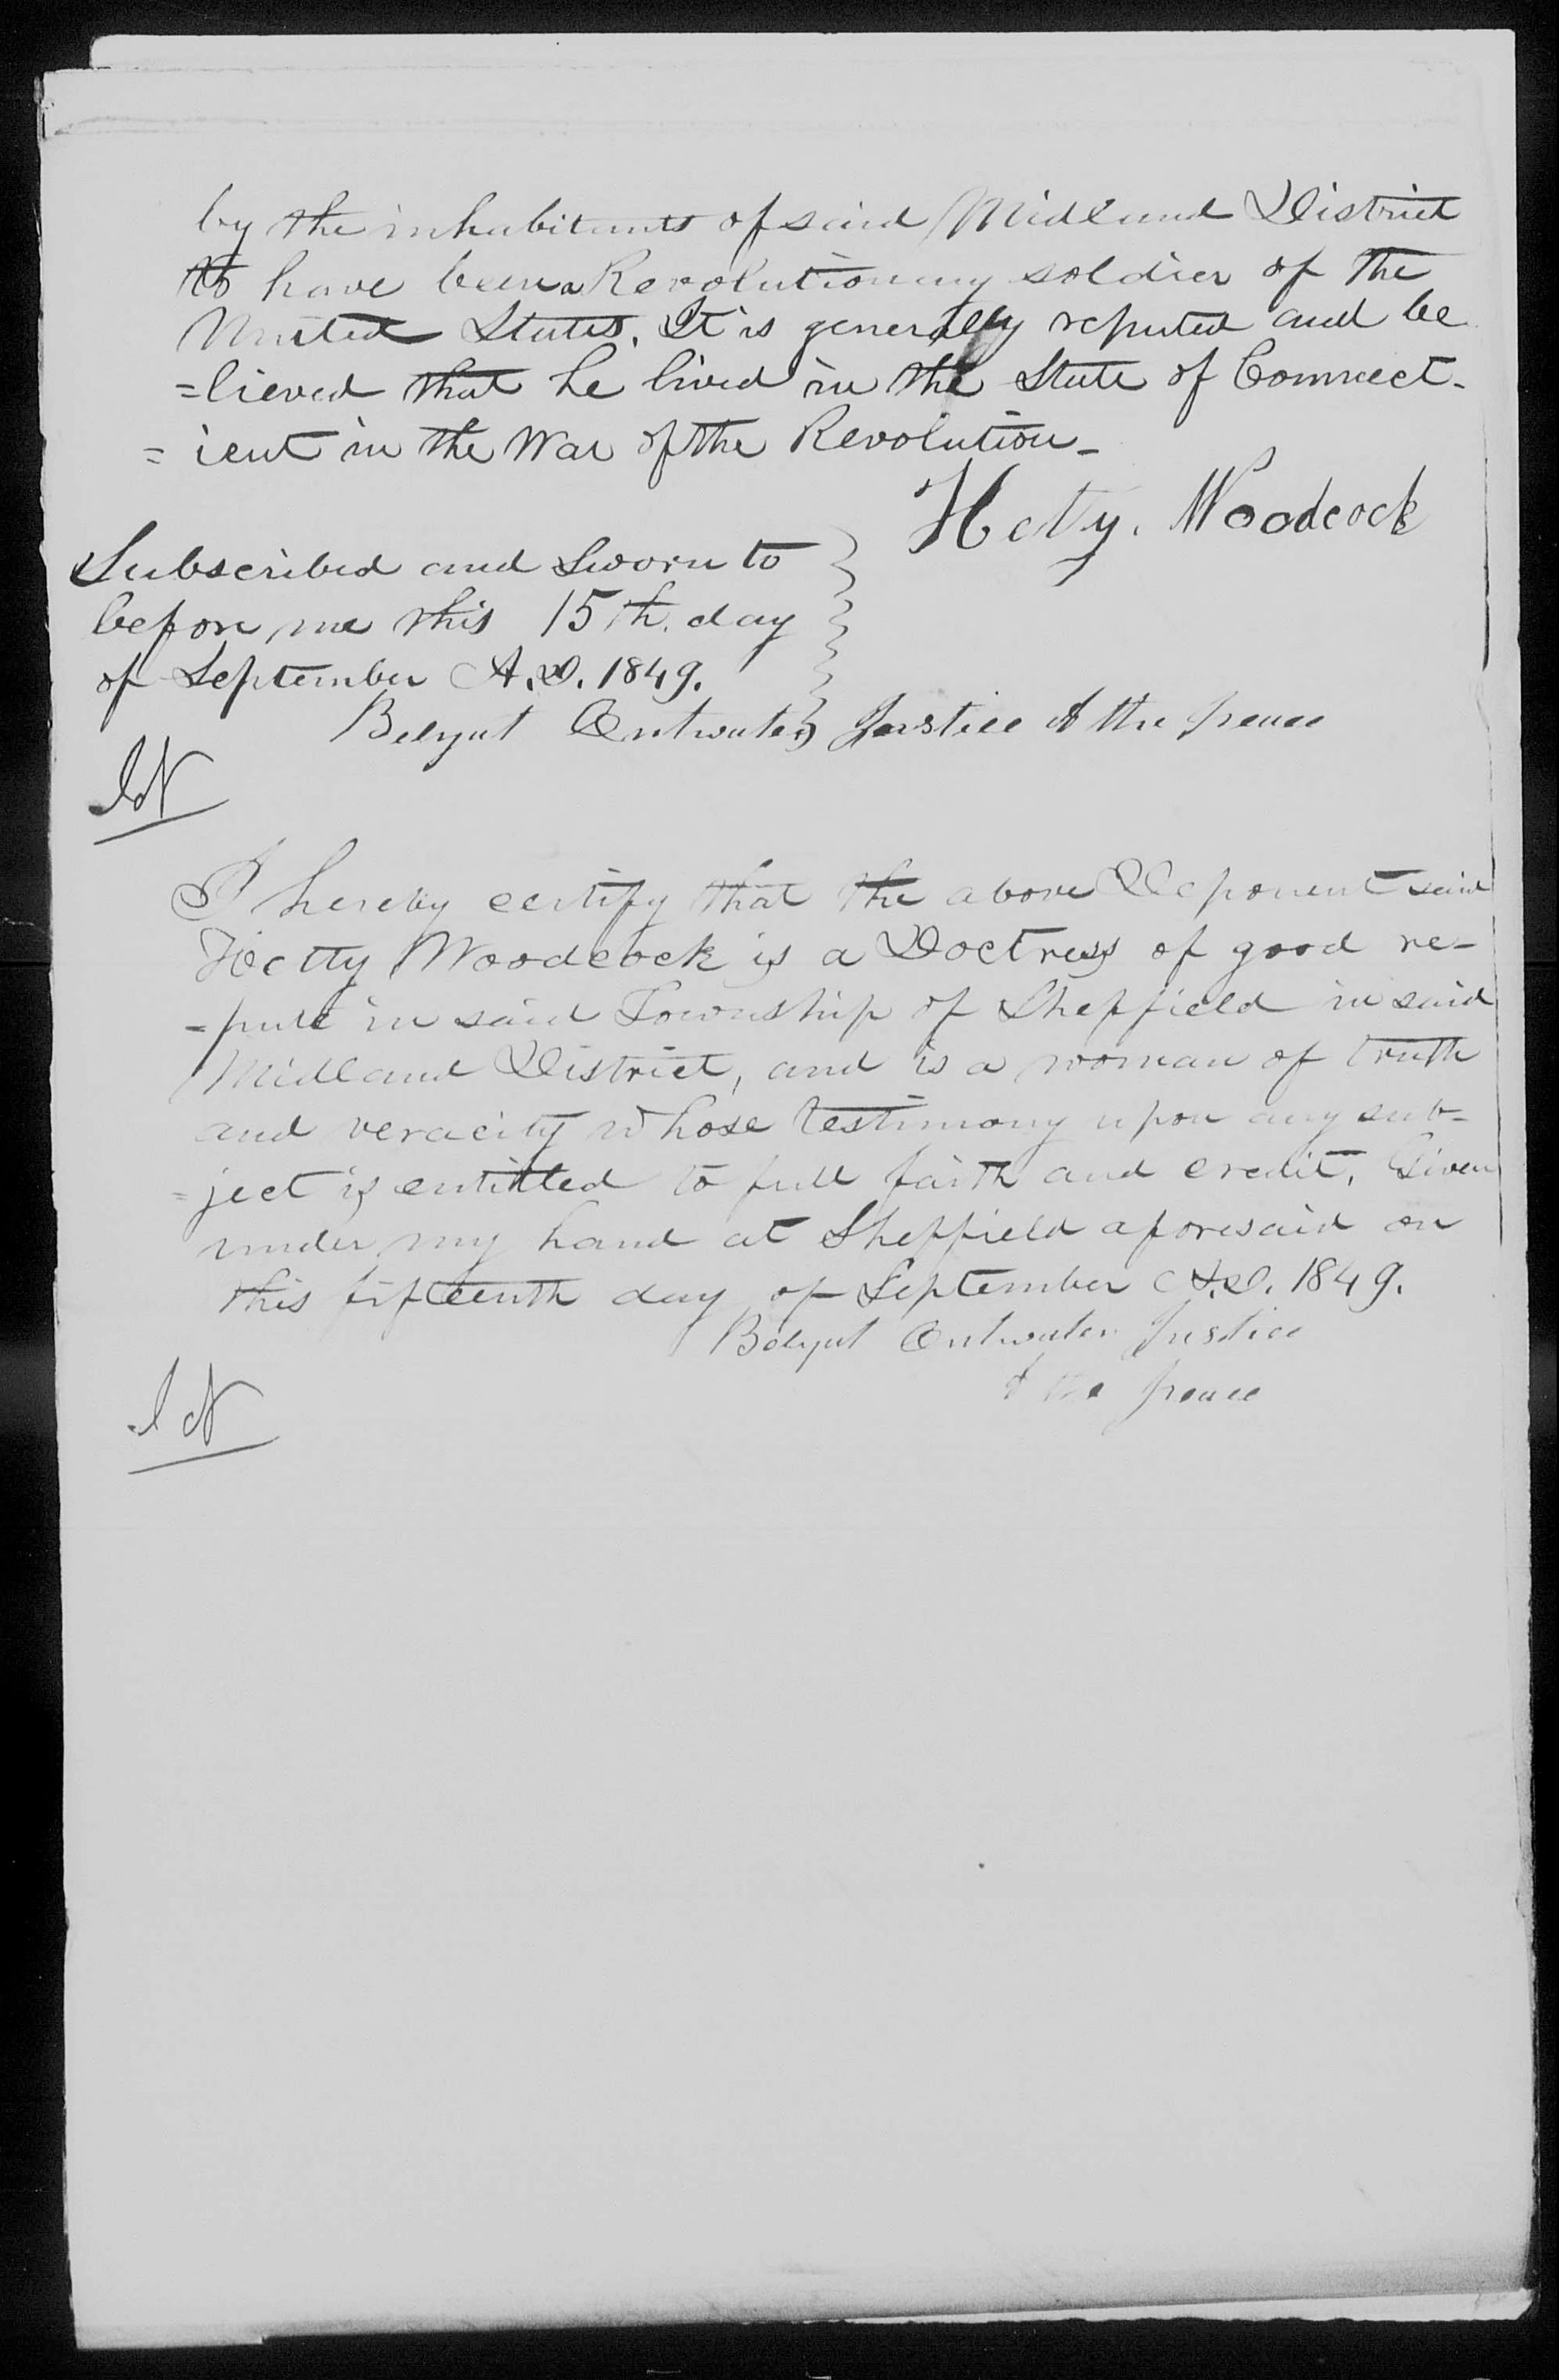by the inhabitants of said Midland District to have been a Revolutionary soldier of the United States. It is generally reputed and believed that he lived in the State of Connecticut in the War of the Revolution.
Hetty Woodcock

Subscribed and sworn to before me this 15th day of September A.D. 1849.
Belyat Outwater Justice of the peace

[illegible]

I hereby certify that the above Deponent said Hetty Woodcock is a Doctress of good repute in said Township of Sheffield in said Midland District, and is a woman of truth and veracity whose testimony upon any subject is entitled to full faith and credit. Given under my hand at Sheffield aforesaid on this fifteenth day of September A.D. 1849.
Belyat Outwater Justice
of the peace

[illegible]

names: Ketty Woodcock, Ketty Woodcock, Belyat Outwater, Belyat Outwater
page: 40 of 106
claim: survivor's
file: S 23,116., Joshua Benedict, Conn.